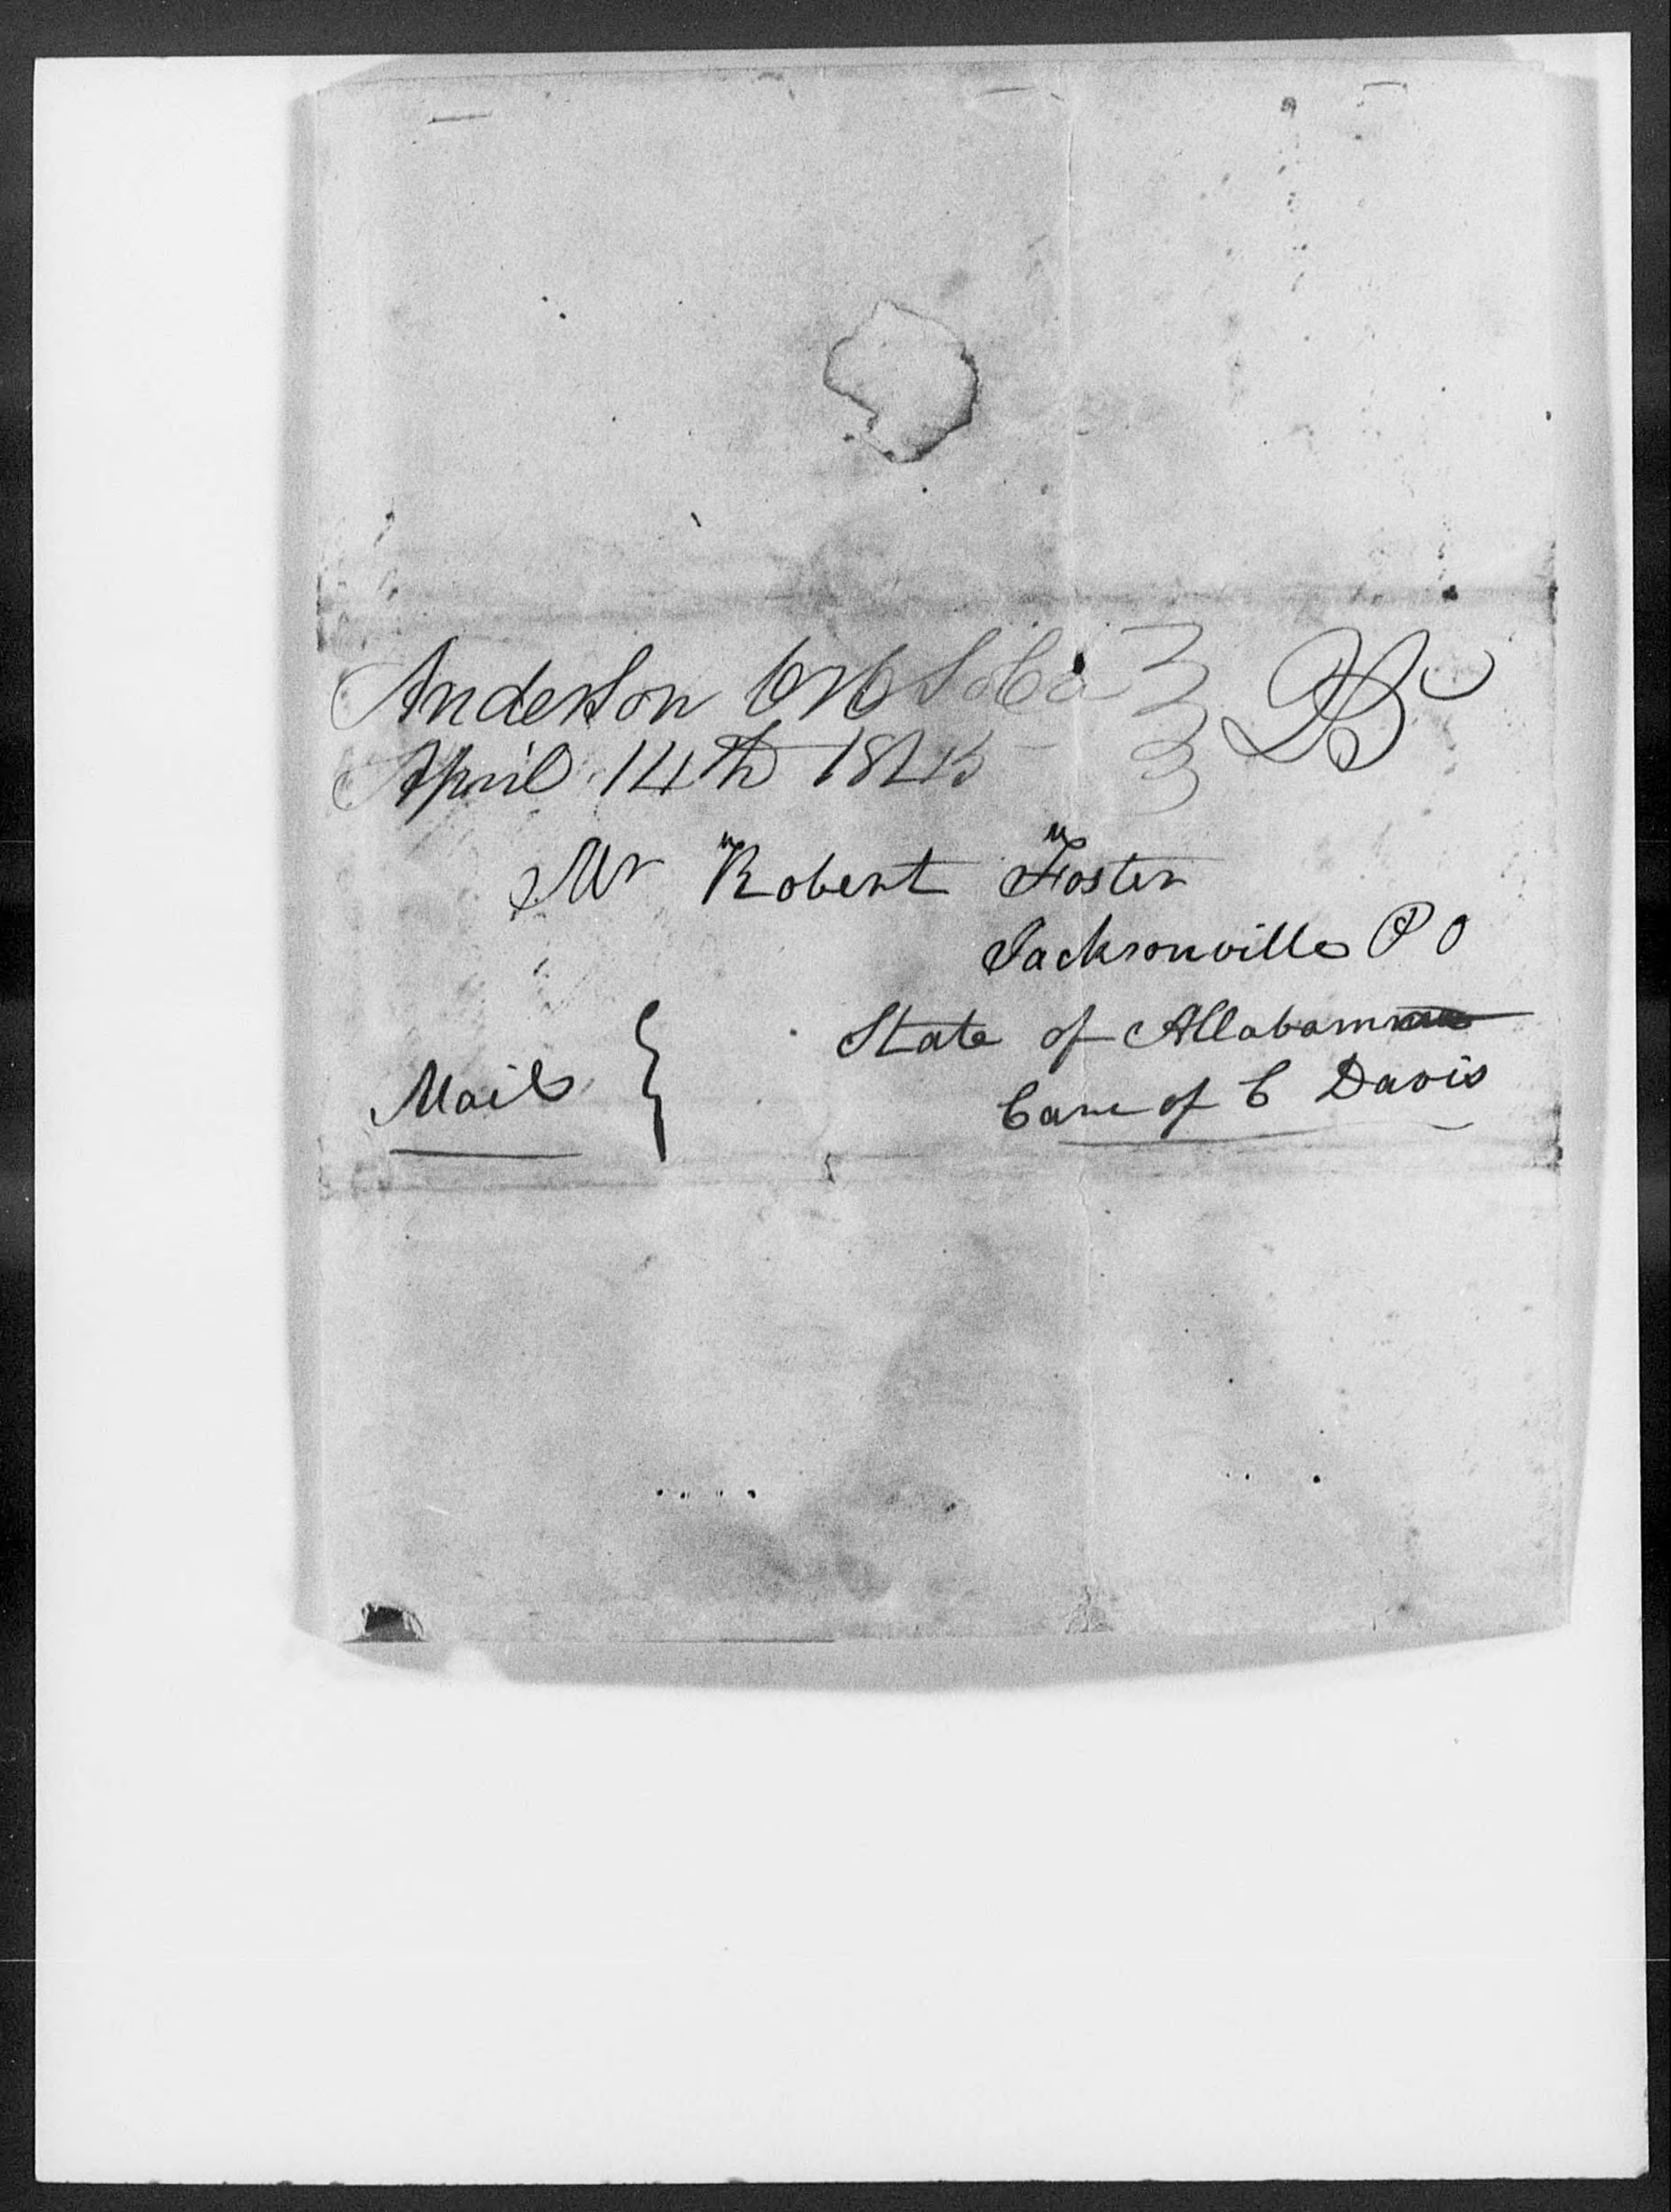[envelope]
Anderson Co So Ca
April 14th 1844   25c

Mr. Robert Foster
Jacksonville P. O.
State of Alabama
Care of C Davis

Mail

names: Robert Foster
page: 34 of 91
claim: widow's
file: W. 10576, Francis Carlisle, S.C.